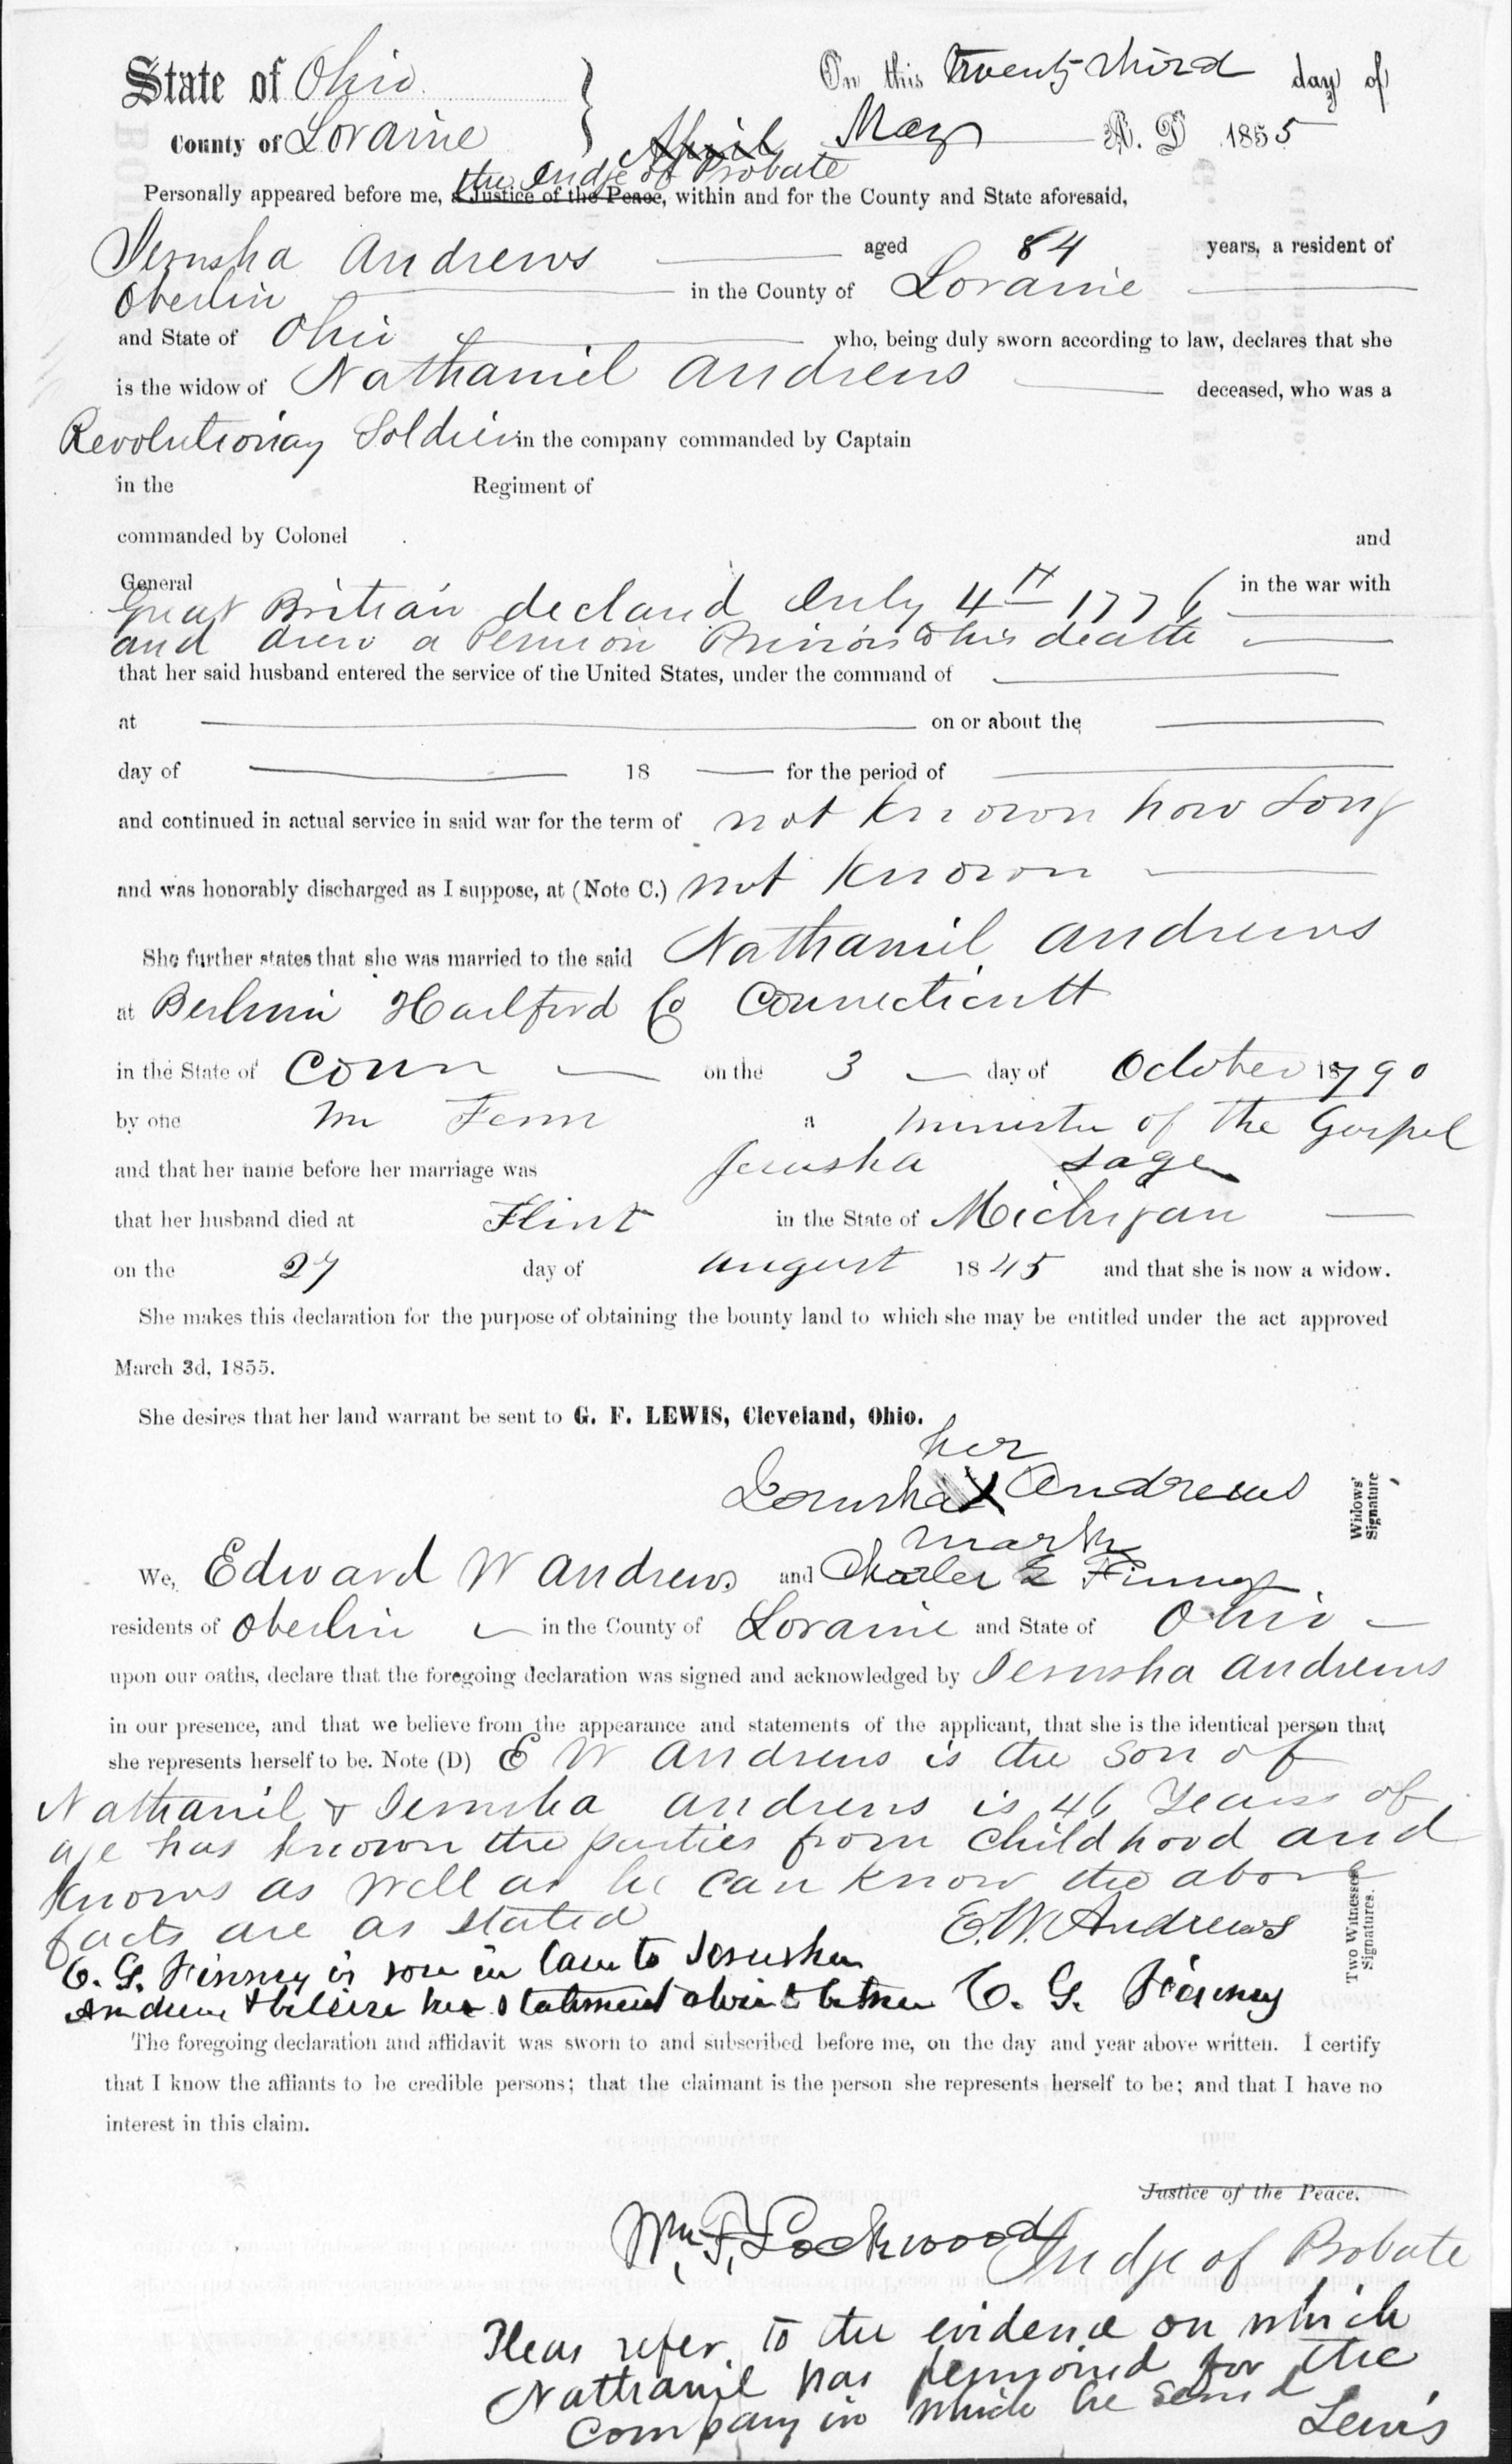State of Ohio
County of Loraine
On this twenty third day of
May A.D. 1855
Personally appeared before me, the Judge of Probate, within and for the County and State aforesaid,
Jerusha Andrews aged 84 years, a resident of
Oberlin in the County of Loraine
and State of Ohio who, being duly sworn according to law, declares that she
is the widow of Nathaniel Andrews deceased, who was a
Revolutionary Soldier in the company commanded by Captain
in the Regiment of
commanded by Colonel and
General in the war with
Great Britian declared July 4th 1776
and drew a Pension previous to his death
that her said husband entered the service of the United States, under the command of
at on or about the
day of 18  for the period of
and continued in actual service in said war for the term of not known how long
and was honorably discharged as I suppose, at (Note c.) not known
-
She further states that she was married to the said Nathaniel Andrews
at Berlin, Hartford Co Connecticut
in the State of Conn on the 3 day of October 1790
by one Mr Fenn a minister of the Gospel 
and that her name before her marriage was Jerusha Sage
that her husband died at Flint in the State of Michigan 
on the
27 day of August 1845 and that she is now a widow.
She makes this declaration for the purpose of obtaining the bounty land to which she may be entitled under the act approved
March 3d, 1855.
She desires that her land warrant be sent to G. F. LEWIS, Cleveland, Ohio.
her X mark
Jerusha Andrews
We Edward W Andrews and Charles Finney
residents of Oberlin in the County of Loraine and State of Ohio
upon our oaths, declare that the foregoing declaration was signed and acknowledged by Jerusha Andrews
in our presence, and that we believe from the appearance and statements of the applicant, that she is the identical person that
she represents herself to be. Note (D) E M Andrews is the son of
Nathaniel & Jerusha Andrews is 46 years of
age has known the parties from childhood and
knows as well as he can know the above
its are as stated
E.M. Andrews
C.G. Finney is son in law to Jerusha
Andrews & believe his statement [illegible]
The foregoing declaration and affidavit was sworn to and subscribed before me, on the day and year above written. I certify
that I know the affiants to be credible persons; that the claimant is the person she represents herself to be; and that I have no
interest in this claim.
Wm F. Lockwood Judge of Probate
Pleas refer to the evidence on which
Nathaniel has enjoined for the
company in much he served
Lewis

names: Wm F Lockwood, Edward W Andrews, Jerusha Andrews, Nathaniel Andreus, Charles G Finney, Nathanil Andreus, Nathaniel Andrews, Jerusha Andrews, C G Finney, Jerusha Andrews, C G Finney, E W Andreus, E W Andrews, Nathanil, Jerusha Andreus, Jerusha Andreus, Lewis, Jerusha Sage, G F Lewis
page: 15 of 78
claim: widow's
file: W. 4117, Nathaniel Bradley, Conn.